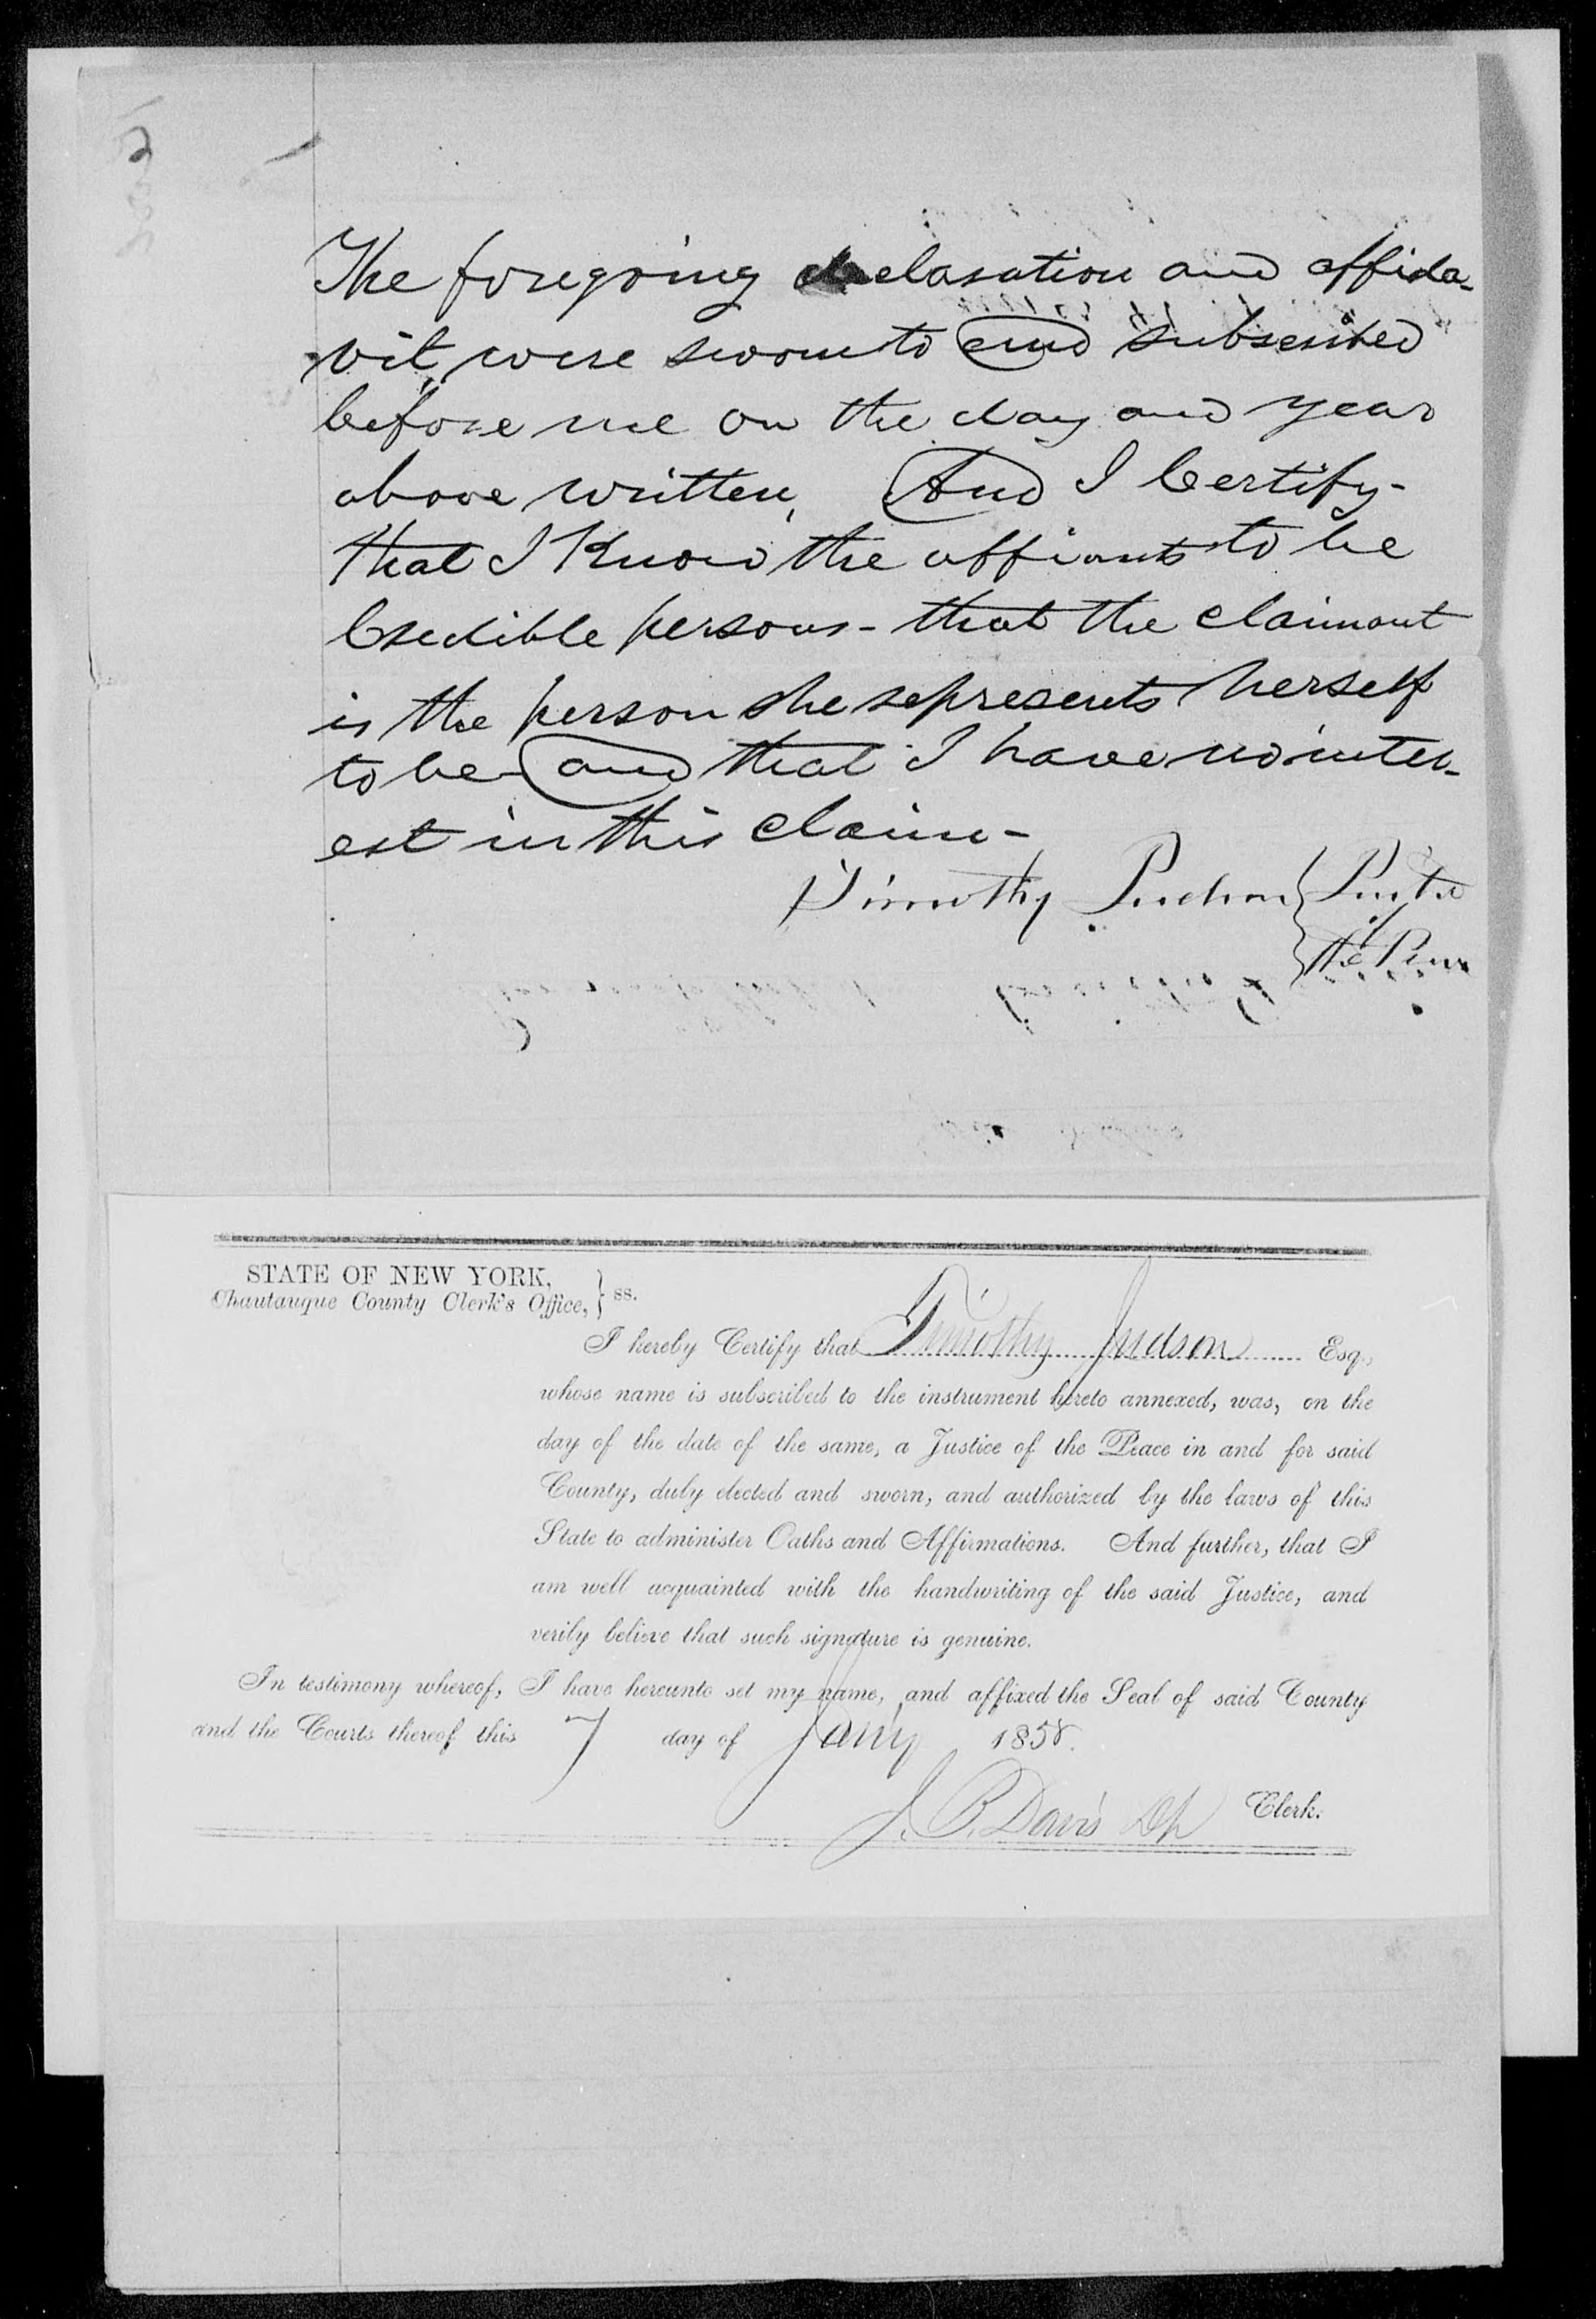The foregoing declaration and affidavit were sworn to and subscribed before me on the day and year above written And I Certify that I know the affiants to be Credible persons that the claimant is the person she represents herself to be and that I have no interest in this claim.   
Timothy Judson  Justice of the Peace 
STATE OF NEW YORK. 
Chautauqua County Clerk's Office, ss. } I hereby Certify that Timothy Judson Esq whose name is subscribed to the instrument hereto annexed, was, on the day of the date of the same, a Justice of the Peace in and for said County, duly elected and sworn, and authorized by the laws of this State to administer Oaths and Affirmations. And further, that I am well acquainted with the handwriting of the said Justice, and verily believe that such signature is genuine.   
In testimony whereof, I have hereunto set my name, and affixed the Seal of said County and the Courts thereof this day of Jany of 1858 
J.P. Davis D Clerk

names: Timothy Judson; J B Davis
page: 71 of 73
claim: widow's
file: W. 2338, for Joseph P Peters, Connecticut